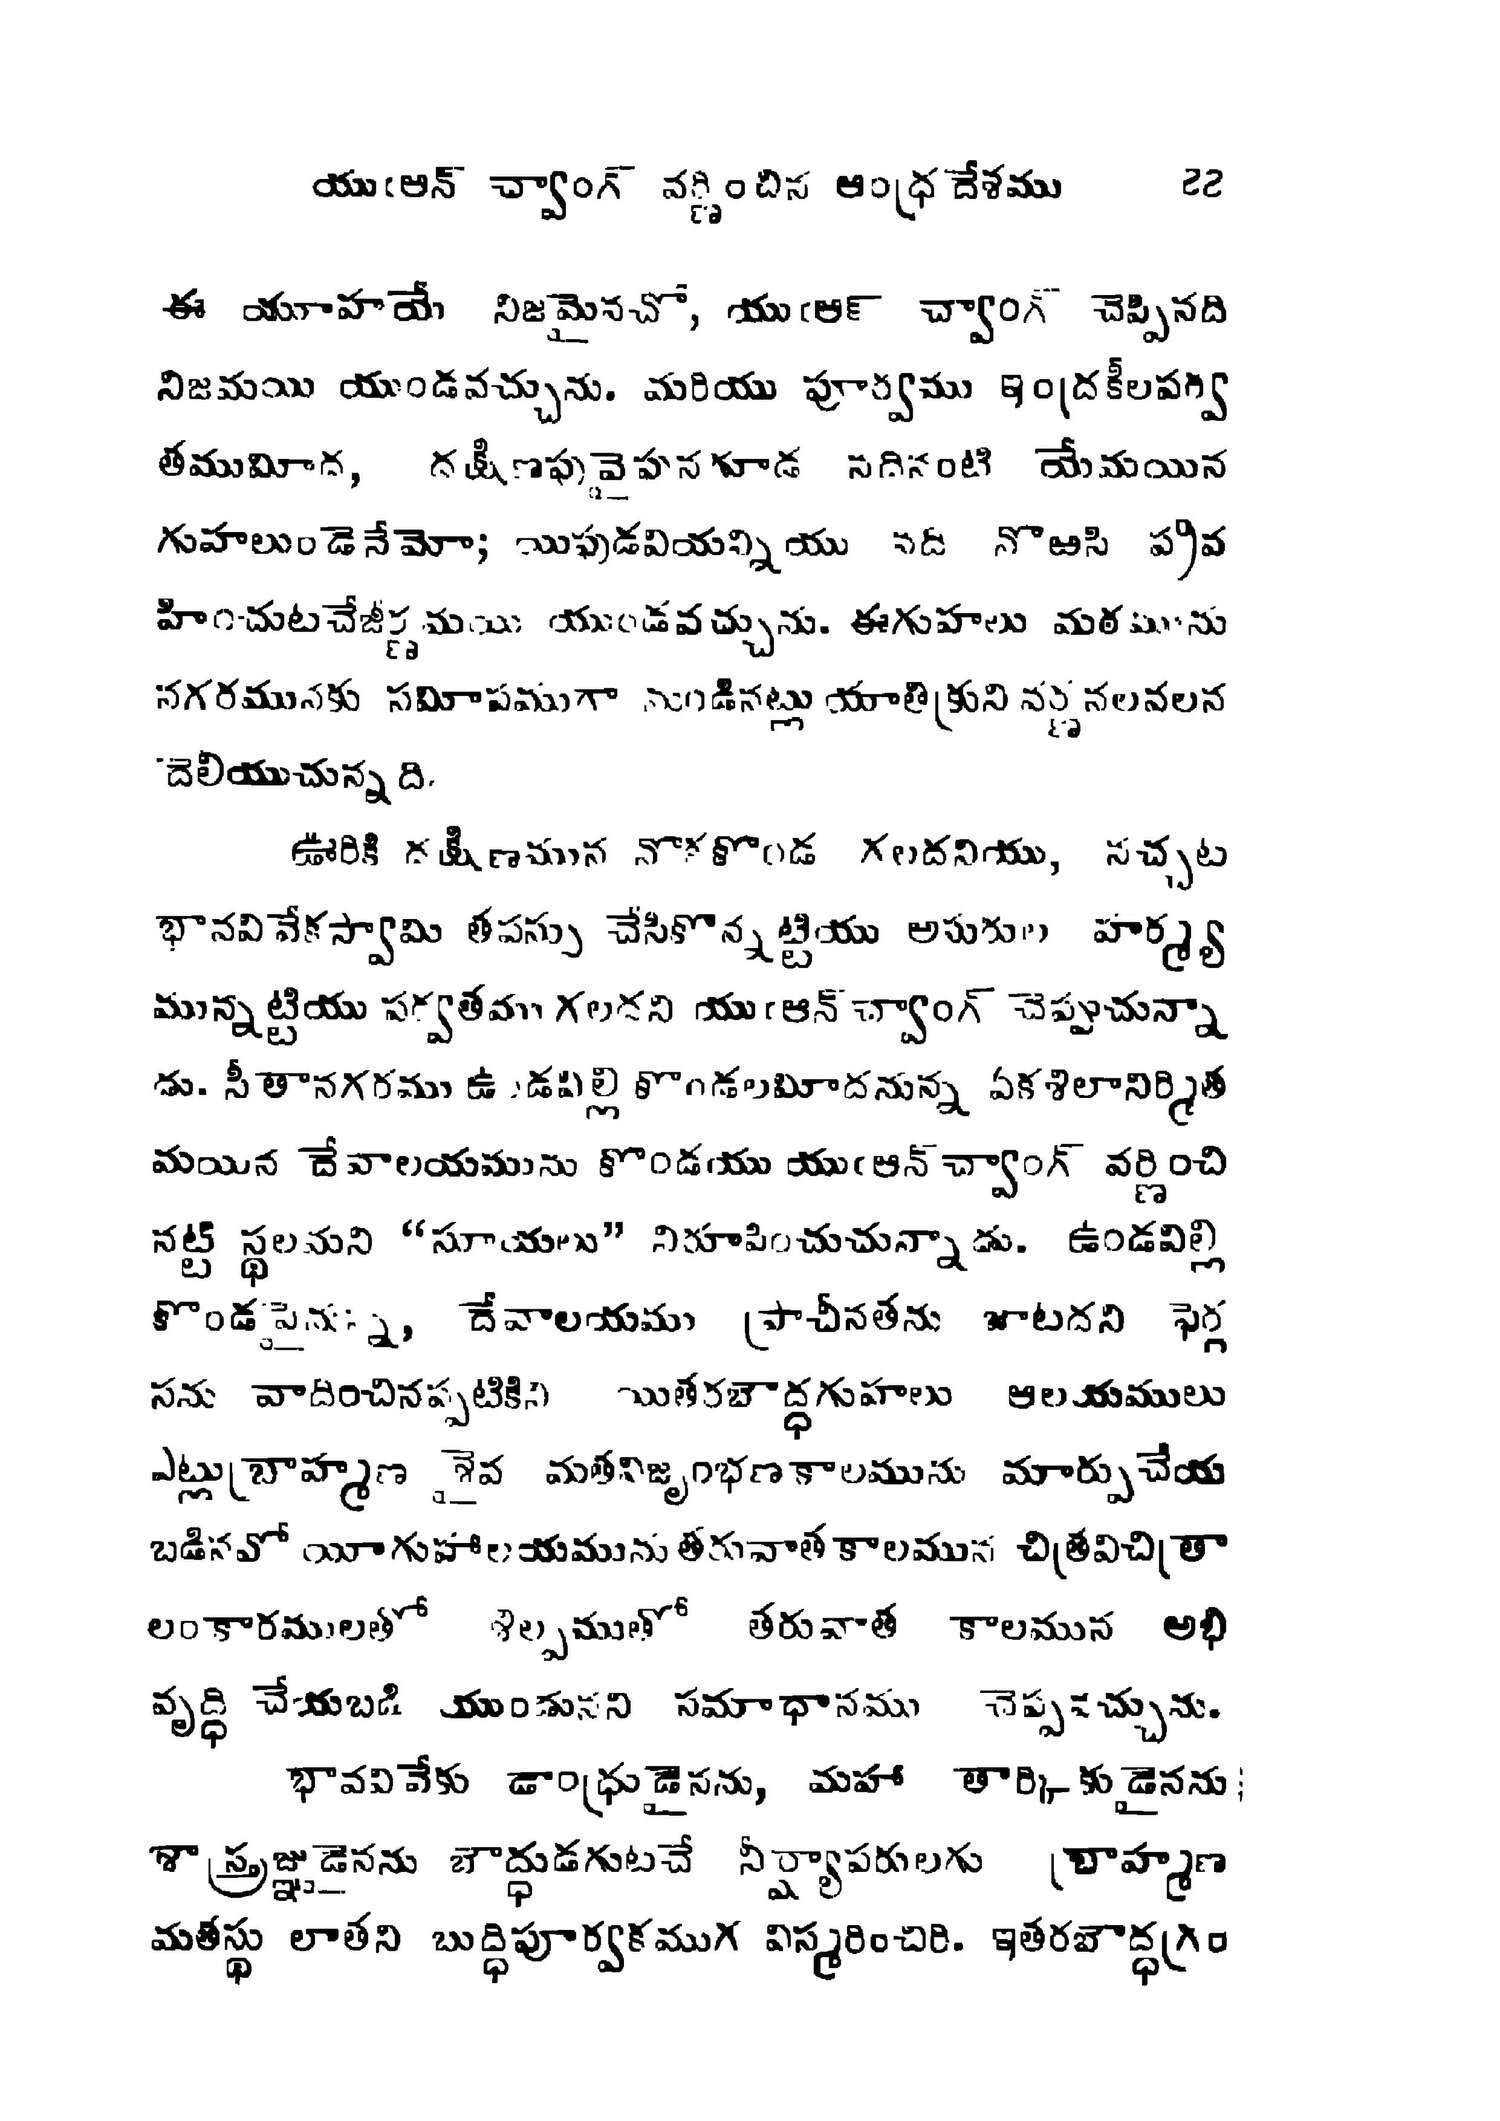ఈ యూహయే నిజమైనచో, యుఆన్ చ్వాంగ్ చెప్పినది నిజమయి యుండవచ్చును. మరియు పూర్వము ఇంద్రకీలపర్వతముమీద, దక్షిణవైపునగూడ నదినంటి యేమయిన గుహలుండెనేమో; యిపుడవియన్నియు నది నొఱసి ప్రవహించుటచే జీర్ణమయి యుండవచ్చును. ఈగుహలు మఠమును నగరమునకు సమీపముగా నుండినట్లు యాత్రికుని వర్ణనలవలన దెలియుచున్నది.

ఊరికి దక్షిణమున నొకకొండ గలదనియు, నచ్చట భావవివేకస్వామి తపస్సు చేసికొన్నట్టియు అసురుల హర్మ్యమున్నట్టియు పర్వతము గలదని యుఆన్ చ్వాంగ్ చెప్పుచున్నాడు. సీతానగరము ఉండవిల్లి కొండలమీదనున్న ఏకశిలానిర్మితమయిన దేవాలయమును కొండయు యుఆన్ చ్వాంగ్ వర్ణించినట్టి స్థలమని "సూయలు" నిరూపించుచున్నాడు. ఉండవిల్లి కొండపైనున్న, దేవాలయము ప్రాచీనతను జాటదని ఫెర్గసను వాదించినప్పటికిని యితరబౌద్ధగుహలు ఆలయములు ఎట్లుబ్రాహ్మణ శైవ మతవిజృంభణకాలమును మార్పుచేయబడినవో యీగుహాలయమును తరువాత కాలమున చిత్రవిచిత్రాలంకారములతో శిల్పముతో తరువాత కాలమున అభివృద్ధి చేయబడి యుండునని సమాధానము చెప్పవచ్చును.

భావవివేకు డాంధ్రుడైనను, మహా తార్కికుడైనను శాస్త్రజ్ఞుడైనను బౌద్ధుడగుటచే నీర్ష్యాపరులగు బ్రాహ్మణ మతస్థు లాతని బుద్ధిపూర్వకముగ విస్మరించిరి. ఇతరబౌద్ధగ్రం